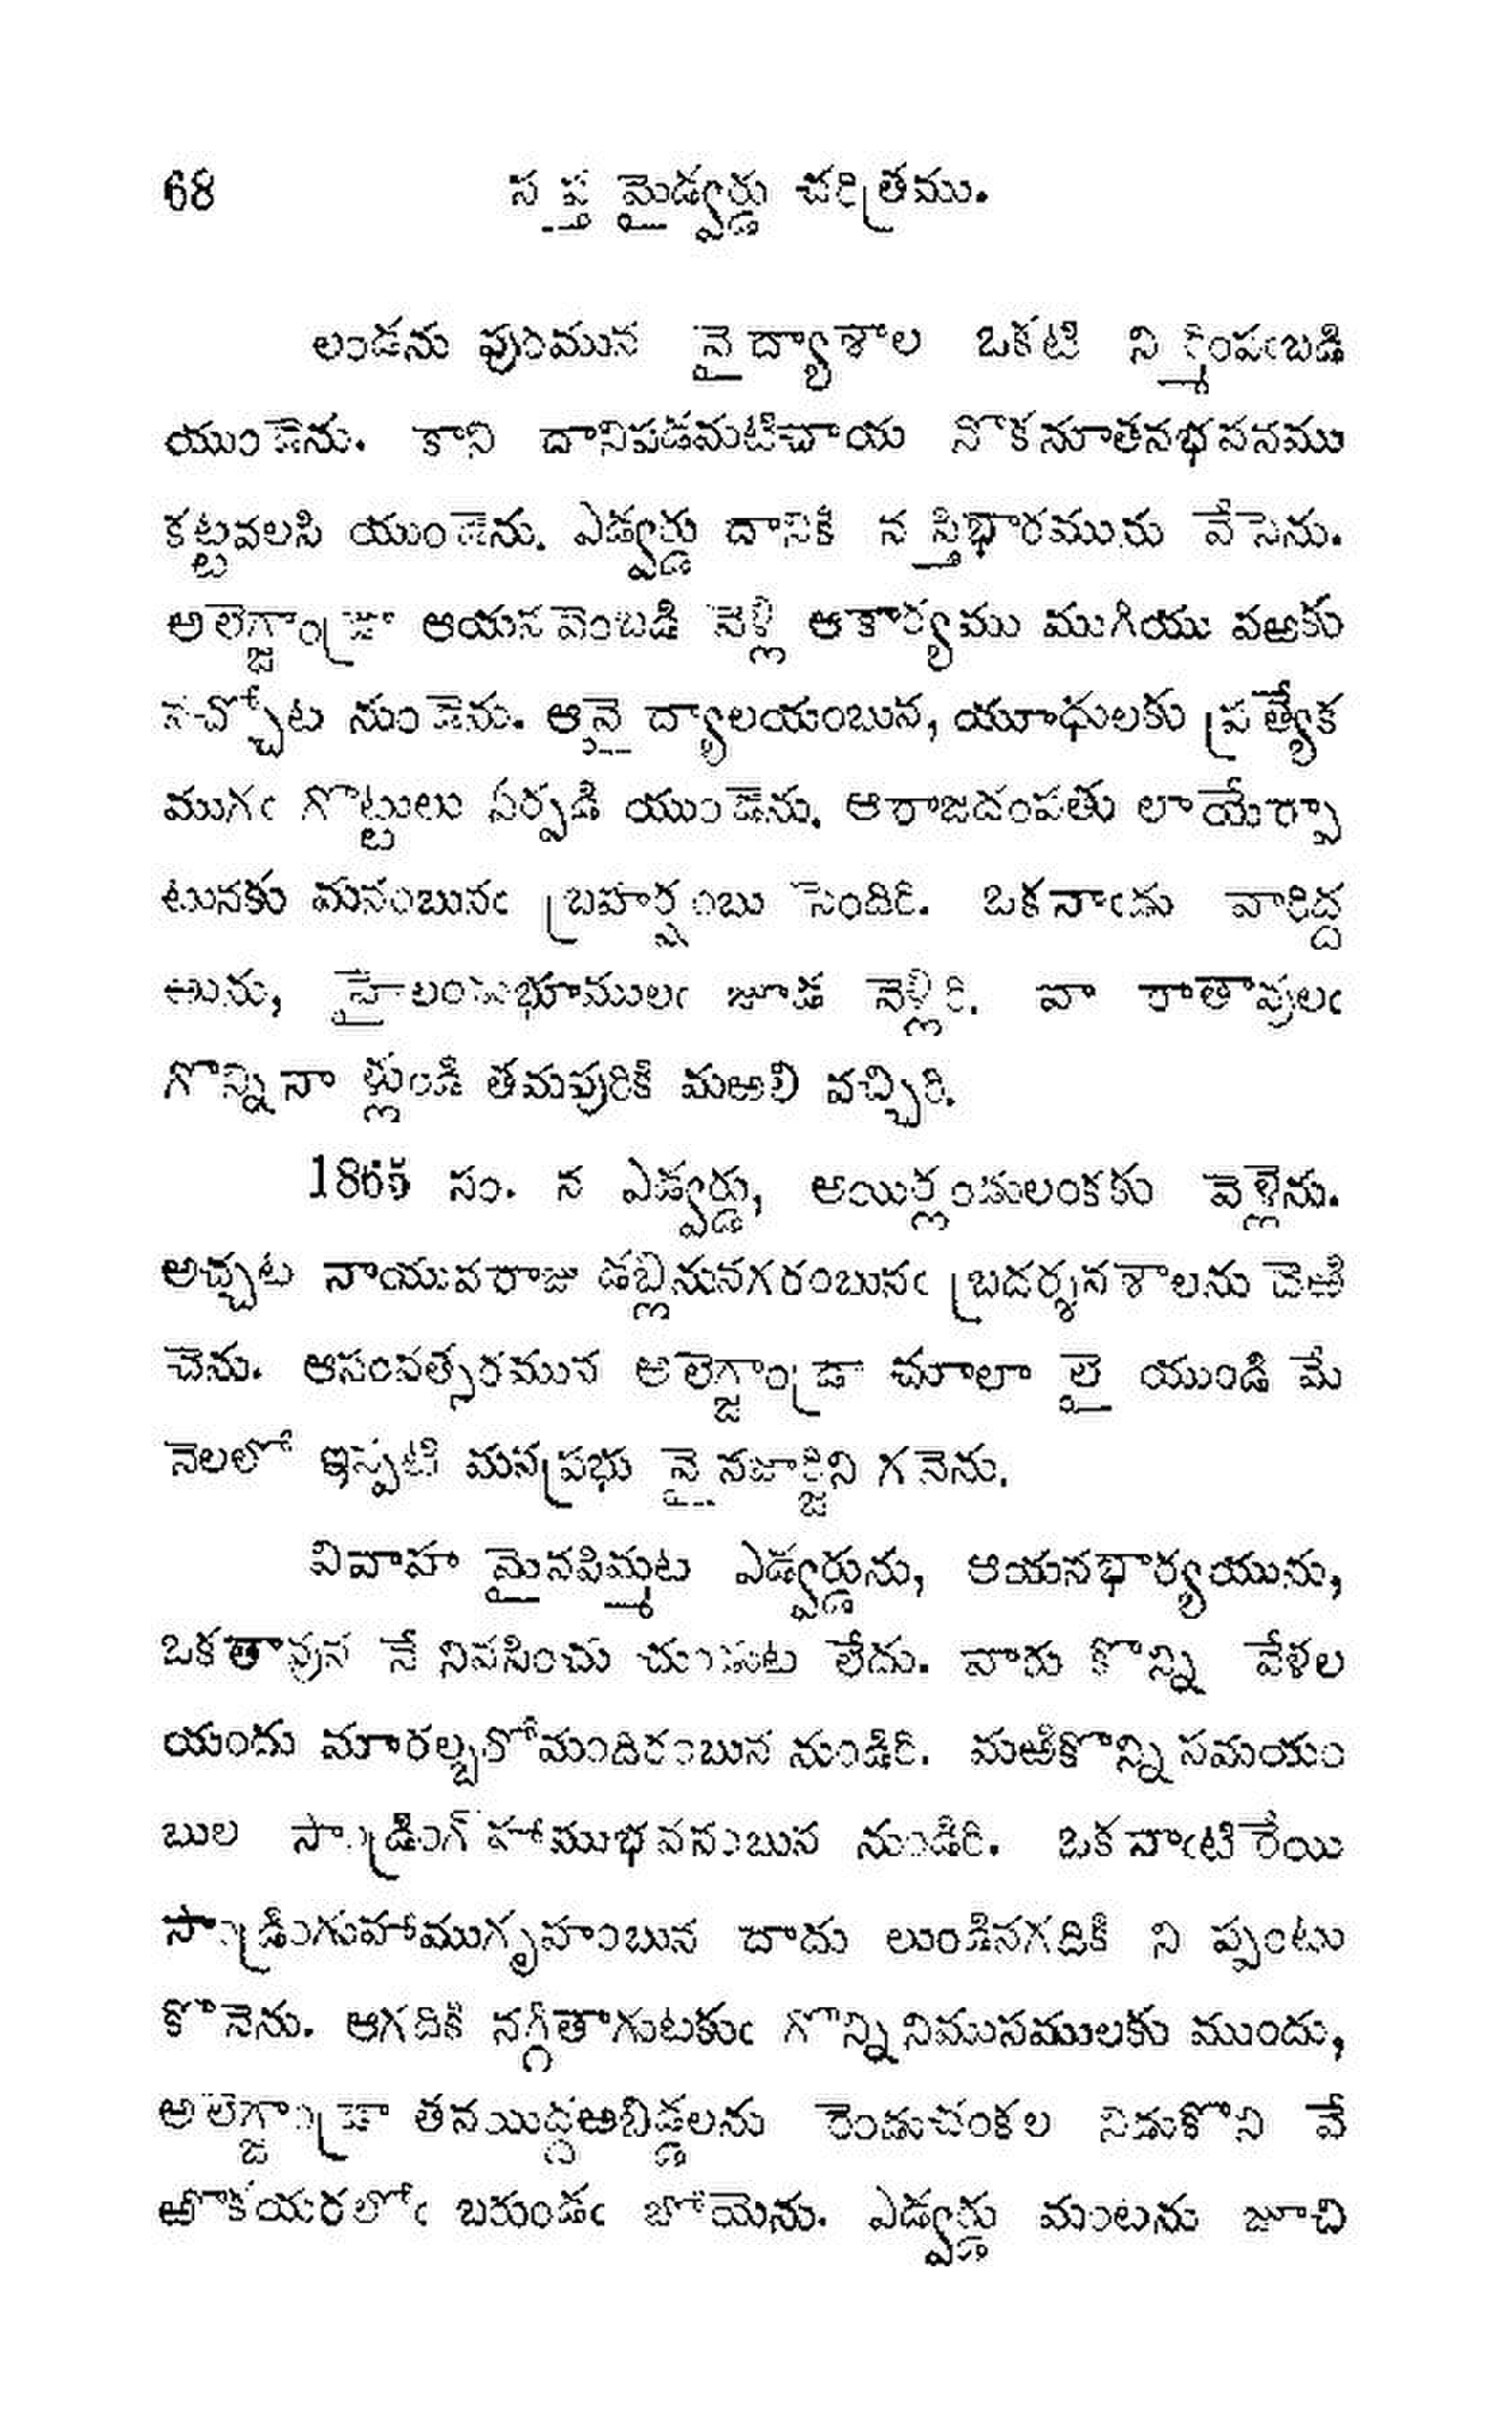లుడను పురమున వైద్యాశాల ఒకటి నిర్మింపఁబడి యుండెను. కాని దాని పడమటి చాయ నొక నూతన భవనము కట్టవలసి యుండెను. ఎడ్వర్డు దానికి నస్తిభారమును వేసెను.
అలెగ్జాండ్రా ఆయన వెంబడి వెళ్లి ఆ కార్యము ముగియు వఱకు నేచ్చోట నుండెను. ఆవైద్యాలయంబున, యూధులకు ప్రత్యేకముగఁ గొట్టులు ఏర్పడి యుండెను, ఆ రాజదంపతు లాయేర్పాటునకు మనంబునఁ బ్రహర్షంబు సెందిరి. ఒకనాఁడు వారిద్దరును, హైలండు భూములఁ జూడ వెళ్ళిరి.. వా తావులుగొన్నినాండ్లుండి తమపురికి మఱళి వచ్చిరి.

1865 సం. న ఎడ్వర్డు, ఆయిర్లండు లంకకు వెళ్లెను. అచ్చట నాయువ రాజు డబ్లిను నగరంబునఁ బ్రదర్శన శాలను దెఱిచెను. ఆసంవత్సరమున అలెగ్జాండ్రా చూలా లై యుండి మే
నెలలో ఇప్పటి మన ప్రభు వై న జార్జిని గనెను.

వివాహ మైన పిమ్మట ఎడ్వర్డును, ఆయన భార్యయును,ఒక తావున నే నివసించు చుంట లేదు. వారు కొన్ని వేళలయందు నూరల్బరో ముదిరంబున నుండి. మరి కొన్ని సమయంబుల సాండ్రింగ్ హాము భవనంబున నుడిరి. ఒక నాటి రేయి సాండ్రింగుహాముగృహంబున దాదు లుండినగదికి నిప్పంటు
కొ"నెను. ఆగదికి నగ్గి తాగుటకుఁ గొన్ని నిముసములకు ముందు, అలెగ్జా తనయిదర బిడ్డలను రెండు చంకల నిడుకొని వేరొక యరలోఁ బరుండఁ బోయెను. ఎడ్వర్లు మంటను జూచి